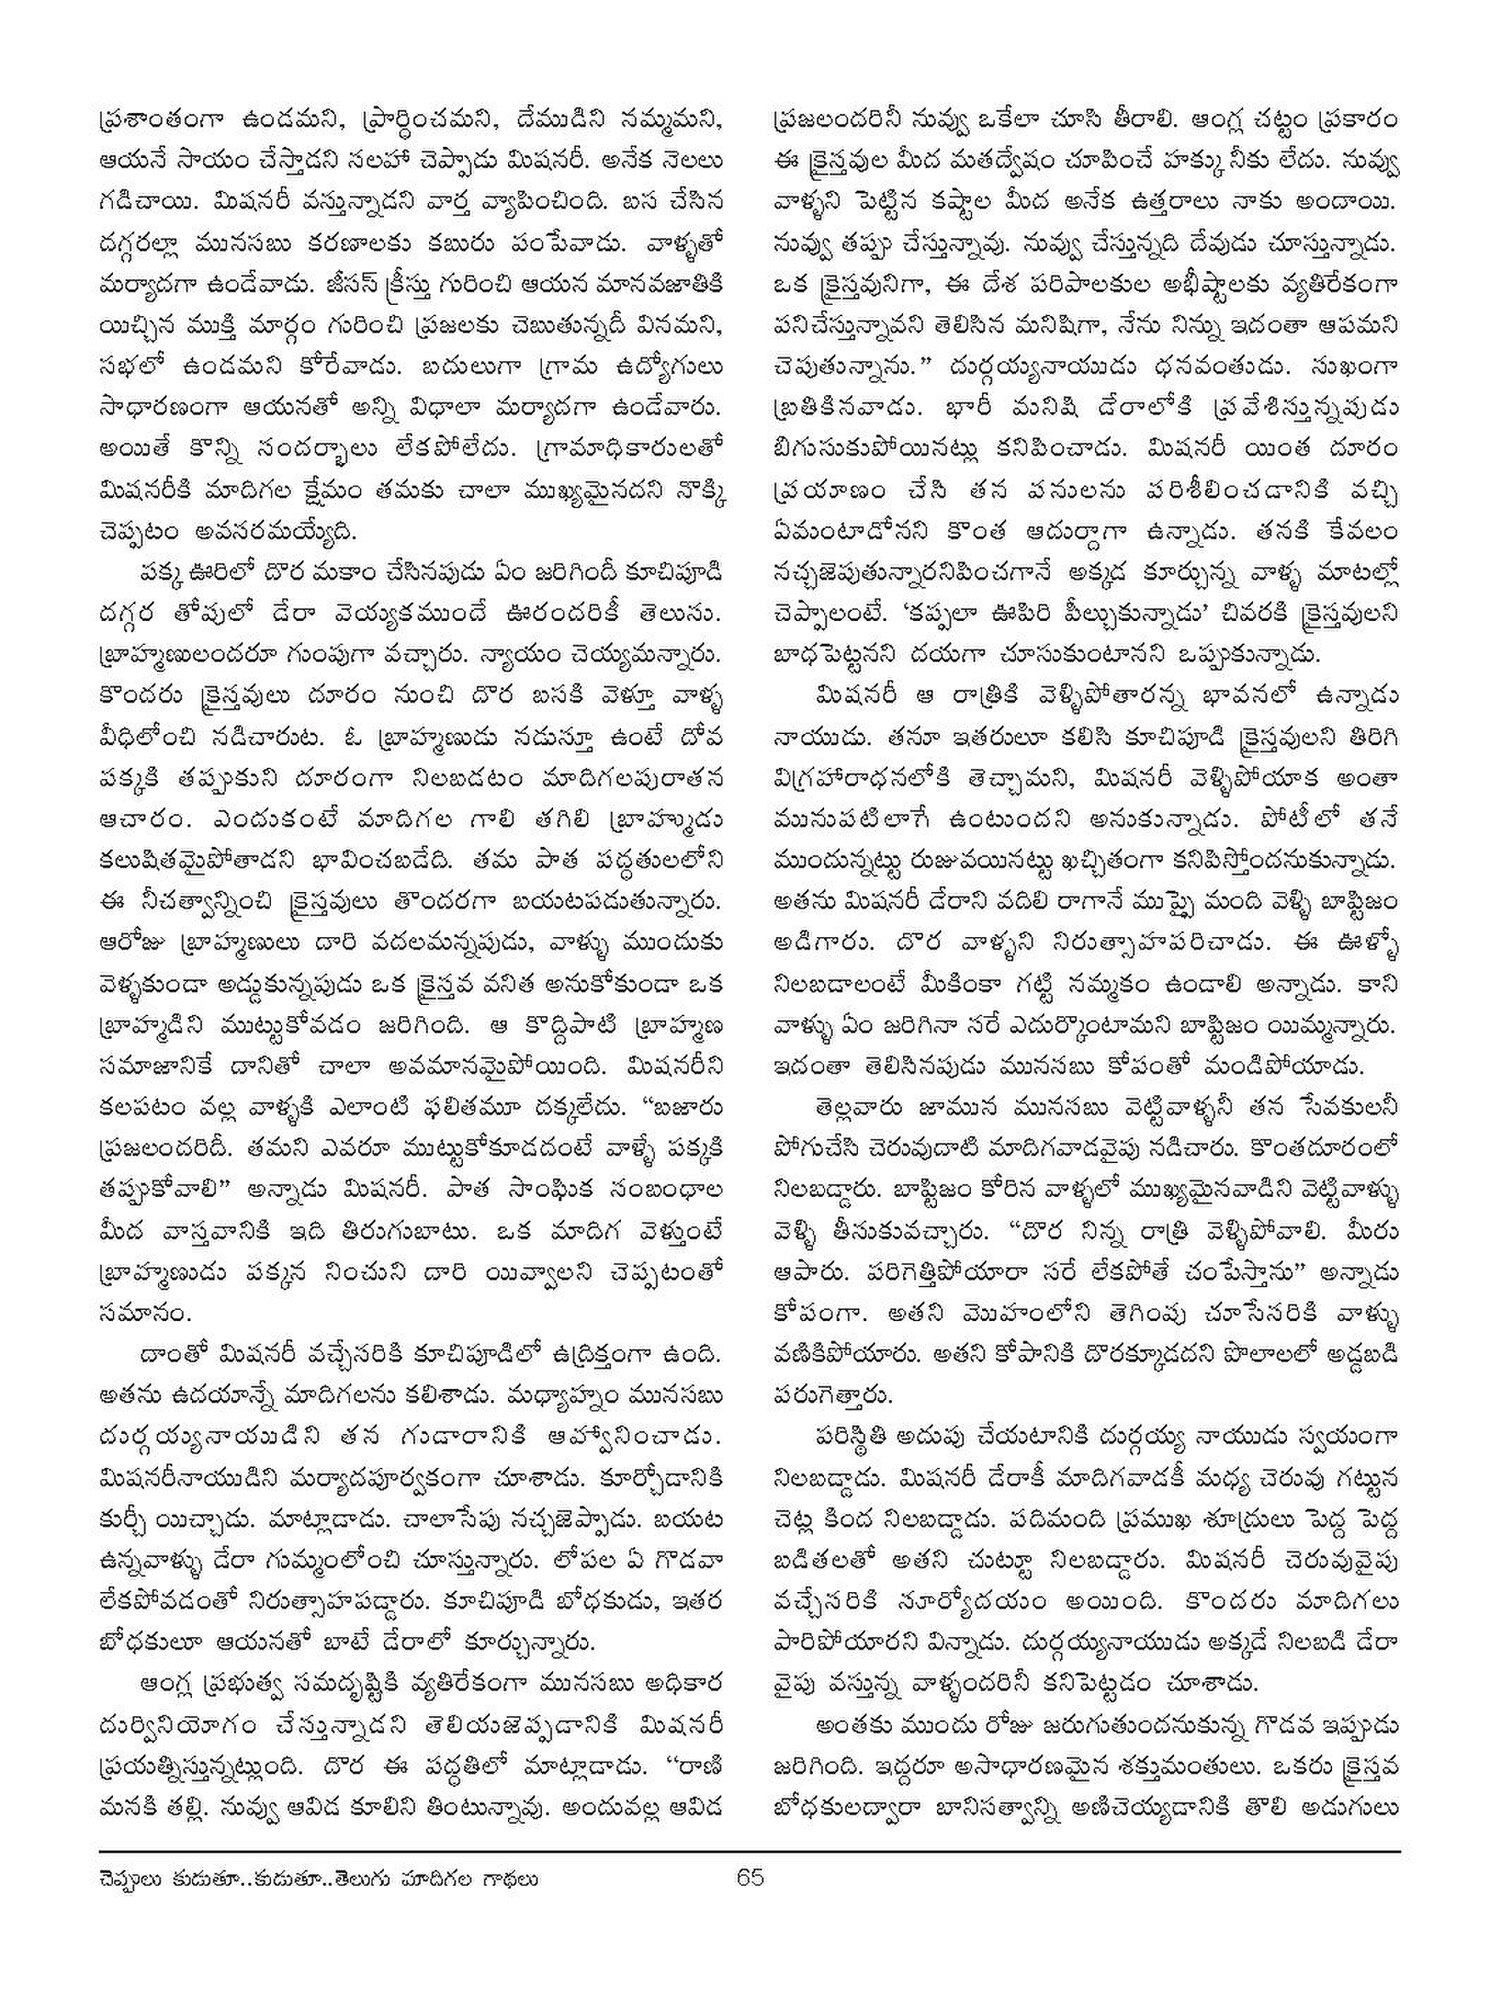ప్రశాంతంగా ఉండమని, ప్రార్ధించమని, దేముడిని నమ్మమని, ఆయనే సాయం చేస్తాడని సలహా చెప్పాడు మిషనరీ. అనేక నెలలు గడిచాయి. మిషనరీ వస్తున్నాడని వార్త వ్యాపించింది. బస చేసిన దగ్గరల్లా మునసబు కరణాలకు కబురు పంపేవాడు. వాళ్ళతో మర్యాదగా ఉండేవాడు. జీసస్ క్రీస్తు గురించి ఆయన మానవజాతికి యిచ్చిన ముక్తి మార్గం గురించి ప్రజలకు చెబుతున్నదీ వినమని, సభలో ఉండమని కోరేవాడు. బదులుగా గ్రామ ఉద్యోగులు సాధారణంగా ఆయనతో అన్ని విధాలా మర్యాదగా ఉండేవారు.
అయితే కొన్ని సందర్భాలు లేకపోలేదు. గ్రామాధికారులతో మిషనరీకి మాదిగల క్షేమం తమకు చాలా ముఖ్యమైనదని నొక్కి చెప్పటం అవసరమయ్యేది.

పక్క ఊరిలో దొర మకాం చేసినపుడు ఏం జరిగిందీ కూచిపూడి దగ్గర తోపులో డేరా వెయ్యకముందే ఊరందరికీ తెలుసు. బ్రాహ్మణులందరూ గుంపుగా వచ్చారు. న్యాయం చెయ్యమన్నారు. కొందరు క్రైస్తవులు దూరం నుంచి దొర బసకి వెళ్తూ వాళ్ళ వీధిలోంచి నడిచారుట. ఓ బ్రాహ్మణుడు నడుస్తూ ఉంటే దోవ
పక్కకి తప్పుకుని దూరంగా నిలబడటం మాదిగలపురాతన ఆచారం. ఎందుకంటే మాదిగల గాలి తగిలి బ్రాహ్ముడు కలుషితమైపోతాడని భావించబడేది. తమ పాత పద్ధతులలోని ఈ నీచత్వాన్నించి క్రైస్తవులు తొందరగా బయటపడుతున్నారు. ఆరోజు బ్రాహ్మణులు దారి వదలమన్నపుడు, వాళ్ళు ముందుకు
వెళ్ళకుండా అడ్డుకున్నపుడు ఒక క్రైస్తవ వనిత అనుకోకుండా ఒక బ్రాహ్మడిని ముట్టుకోవడం జరిగింది. ఆ కొద్దిపాటి బ్రాహ్మణ సమాజానికే దానితో చాలా అవమానమైపోయింది. మిషనరీని కలపటం వల్ల వాళ్ళకి ఎలాంటి ఫలితమూ దక్కలేదు. "బజారు ప్రజలందరిదీ. తమని ఎవరూ ముట్టుకోకూడదంటే వాళ్ళే పక్కకి
తప్పుకోవాలి" అన్నాడు మిషనరీ. పాత సాంఘిక సంబంధాల మీద వాస్తవానికి ఇది తిరుగుబాటు. ఒక మాదిగ వెళ్తుంటే బ్రాహ్మణుడు పక్కన నించుని దారి యివ్వాలని చెప్పటంతో సమానం.

దాంతో మిషనరీ వచ్చేసరికి కూచిపూడిలో ఉద్రిక్తంగా ఉంది. అతను ఉదయాన్నే మాదిగలను కలిశాడు. మధ్యాహ్నం మునసబు దుర్గయ్యనాయుడిని తన గుడారానికి ఆహ్వానించాడు. మిషనరీనాయుడిని మర్యాదపూర్వకంగా చూశాడు. కూర్చోడానికి కుర్చీ యిచ్చాడు. మాట్లాడాడు. చాలాసేపు నచ్చజెప్పాడు. బయట ఉన్నవాళ్ళు డేరా గుమ్మంలోంచి చూస్తున్నారు. లోపల ఏ గొడవా లేకపోవడంతో నిరుత్సాహపడ్డారు. కూచిపూడి బోధకుడు, ఇతర బోధకులూ ఆయనతో బాటే డేరాలో కూర్చున్నారు.

ఆంగ్ల ప్రభుత్వ సమదృష్టికి వ్యతిరేకంగా మునసబు అధికార దుర్వినియోగం చేస్తున్నాడని తెలియజెప్పడానికి మిషనరీ ప్రయత్నిస్తున్నట్లుంది. దొర ఈ పద్ధతిలో మాట్లాడాడు. "రాణి మనకి తల్లి. నువ్వు ఆవిడ కూలిని తింటున్నావు. అందువల్ల ఆవిడ ప్రజలందరినీ నువ్వు ఒకేలా చూసి తీరాలి. ఆంగ్ల చట్టం ప్రకారం ఈ క్రైస్తవుల మీద మతద్వేషం చూపించే హక్కు నీకు లేదు. నువ్వు వాళ్ళని పెట్టిన కష్టాల మీద అనేక ఉత్తరాలు నాకు అందాయి. నువ్వు తప్పు చేస్తున్నావు. నువ్వు చేస్తున్నది దేవుడు చూస్తున్నాడు. ఒక క్రైస్తవునిగా, ఈ దేశ పరిపాలకుల అభీష్టాలకు వ్యతిరేకంగా పనిచేస్తున్నావని తెలిసిన మనిషిగా, నేను నిన్ను ఇదంతా ఆపమని చెపుతున్నాను.” దుర్గయ్యనాయుడు ధనవంతుడు. సుఖంగా బ్రతికినవాడు. భారీ మనిషి డేరాలోకి ప్రవేశిస్తున్నపుడు బిగుసుకుపోయినట్లు కనిపించాడు. మిషనరీ యింత దూరం
ప్రయాణం చేసి తన పనులను పరిశీలించడానికి వచ్చి ఏమంటాడోనని కొంత ఆదుర్దాగా ఉన్నాడు. తనకి కేవలం నచ్చజెపుతున్నారనిపించగానే అక్కడ కూర్చున్న వాళ్ళ మాటల్లో చెప్పాలంటే. 'కప్పలా ఊపిరి పీల్చుకున్నాడు' చివరికి క్రైస్తవులని బాధపెట్టనని దయగా చూసుకుంటానని ఒప్పుకున్నాడు.

మిషనరీ ఆ రాత్రికి వెళ్ళిపోతారన్న భావనలో ఉన్నాడు నాయుడు. తనూ ఇతరులూ కలిసి కూచిపూడి క్రైస్తవులని తిరిగి విగ్రహారాధనలోకి తెచ్చామని, మిషనరీ వెళ్ళిపోయాక అంతా మునుపటిలాగే ఉంటుందని అనుకున్నాడు. పోటీలో తనే ముందున్నట్టు రుజువయినట్టు ఖచ్చితంగా కనిపిస్తోందనుకున్నాడు. అతను మిషనరీ డేరాని వదిలి రాగానే ముప్పై మంది వెళ్ళి బాప్టిజం అడిగారు. దొర వాళ్ళని నిరుత్సాహపరిచాడు. ఈ ఊళ్ళో నిలబడాలంటే మీకింకా గట్టి నమ్మకం ఉండాలి అన్నాడు. కాని వాళ్ళు ఏం జరిగినా సరే ఎదుర్కొంటామని బాప్టిజం యిమ్మన్నారు. ఇదంతా తెలిసినపుడు మునసబు కోపంతో మండిపోయాడు.

తెల్లవారు జామున మునసబు వెట్టివాళ్ళనీ తన సేవకులనీ పోగుచేసి చెరువుదాటి మాదిగవాడవైపు నడిచారు. కొంతదూరంలో నిలబడ్డారు. బాప్టిజం కోరిన వాళ్ళలో ముఖ్యమైనవాడిని వెట్టివాళ్ళు వెళ్ళి తీసుకువచ్చారు. “దొర నిన్న రాత్రి వెళ్ళిపోవాలి. మీరు ఆపారు. పరిగెత్తిపోయారా సరే లేకపోతే చంపేస్తాను” అన్నాడు. కోపంగా. అతని మొహంలోని తెగింపు చూసేసరికి వాళ్ళు వణికిపోయారు. అతని కోపానికి దొరక్కూడదని పొలాలలో అడ్డబడి పరుగెత్తారు.

పరిస్థితి అదుపు చేయటానికి దుర్గయ్య నాయుడు స్వయంగా నిలబడ్డాడు. మిషనరీ డేరాకీ మాదిగవాడకీ మధ్య చెరువు గట్టున చెట్ల కింద నిలబడ్డాడు. పదిమంది ప్రముఖ శూద్రులు పెద్ద పెద్ద బడితలతో అతని చుట్టూ నిలబడ్డారు. మిషనరీ చెరువువైపు వచ్చేసరికి సూర్యోదయం అయింది. కొందరు మాదిగలు
పారిపోయారని విన్నాడు. దుర్గయ్యనాయుడు అక్కడే నిలబడి డేరా వైపు వస్తున్న వాళ్ళందరినీ కనిపెట్టడం చూశాడు.

అంతకు ముందు రోజు జరుగుతుందనుకున్న గొడవ ఇప్పుడు జరిగింది. ఇద్దరూ అసాధారణమైన శక్తుమంతులు. ఒకరు క్రైస్తవ బోధకులద్వారా బానిసత్వాన్ని అణిచెయ్యడానికి తొలి అడుగులు